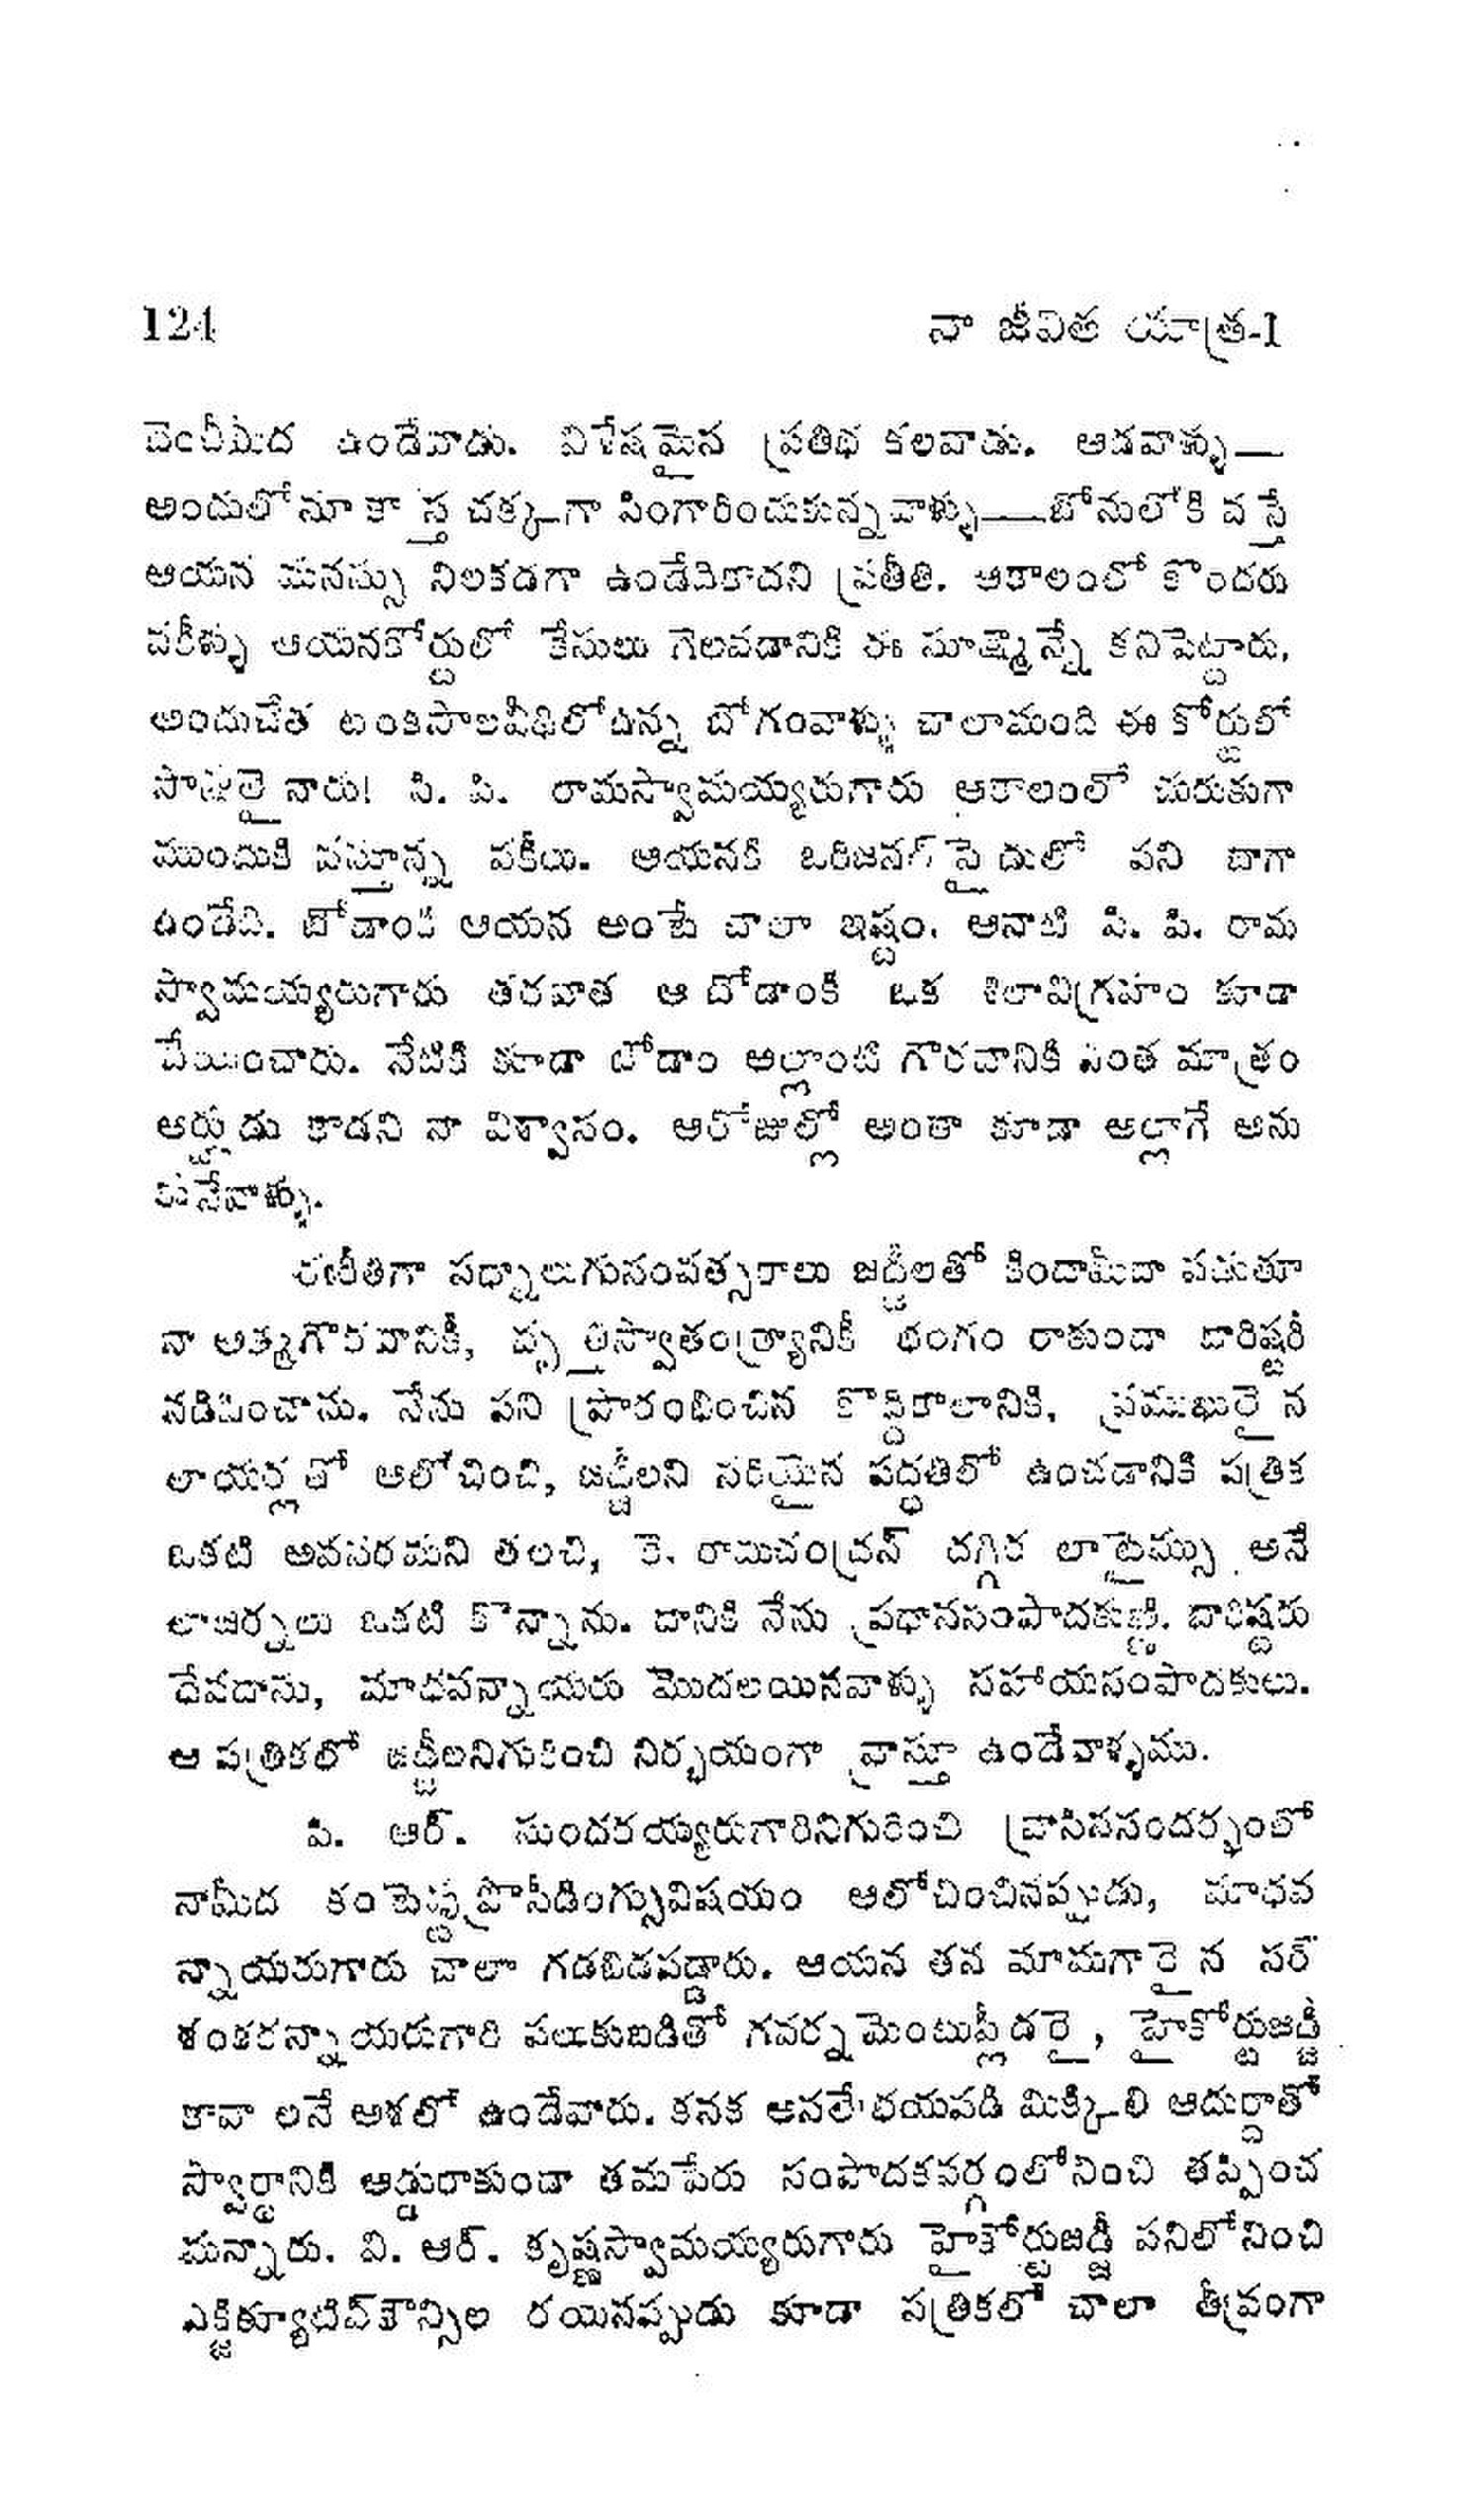బెంచీమీద ఉండేవాడు. విశేషమైన ప్రతిభ కలవాడు. ఆడవాళ్ళు - అందులోనూ కాస్త చక్కగా సింగారించుకున్నవాళ్ళు - బోనులోకి వస్తే ఆయన మనస్సు నిలకడగా ఉండేదికాదని ప్రతీతి. ఆకాలంలో కొందరు వకీళ్ళు ఆయనకోర్టులో కేసులు గెలవడానికి ఈ సూక్ష్మాన్నే కనిపెట్టారు. అందుచేత టంకసాలవీథిలో ఉన్న భోగంవాళ్ళు చాలామంది ఈ కోర్టులో సాక్షులైనారు! సి. పి. రామస్వామయ్యరుగారు ఆకాలంలో చురుకుగా ముందుకి వస్తూన్న వకీలు. ఆయనకి ఒరిజనల్‌ సైడులో పని బాగా ఉండేది. బోడాంకి ఆయన అంటే చాలా ఇష్టం. అనాటి సి.పి రామస్వామయ్యరు గారు తరవాత ఆ బోడాంకి ఒక శిలావిగ్రహం కూడా చేయించారు. నేటికి కూడా బోడాం అల్లాంటి గౌరవానికి ఎంత మాత్రం అర్హుడు కాడని నా విశ్వాసం. ఆరోజుల్లో అంతా కూడా అల్లాగే అనుకునేవాళ్ళు.

ఈరీతిగా పద్నాలుగుసంవత్సరాలు జడ్జీలతో కిందామీదా పడుతూ నా ఆత్మ గౌరవానికీ, వృత్తిస్వాతంత్ర్యానికీ భంగం రాకుండా బారిష్టరీ నడిపించాను. నేను పని ప్రారంభించిన కొద్దికాలానికి, ప్రముఖులైన లాయర్లతో ఆలోచించి, జడ్జీలని సరియైన పద్ధతిలో ఉంచడానికి పత్రిక ఒకటి అవసరమని తలచి, కె. రామచంద్రన్ దగ్గిర లాటైమ్సు అనే లాజర్నలు ఒకటి కొన్నాను. దానికి నేను ప్రధానసంపాదకుణ్ణి. బారిష్టరు దేవదాసు, మాధవన్నాయరు మొదలయినవాళ్ళు సహాయ సంపాదకులు. ఆ పత్రికలో జడ్జీలనిగురించి నిర్భయంగా వ్రాస్తూ ఉండేవాళ్ళము.

పి. ఆర్. సుందరయ్యరుగారిని గురించి వ్రాసినసందర్భంలో నామీద కంటెప్టు ప్రొసీడింగ్సువిషయం ఆలోచించినప్పుడు, మాధవన్నాయరుగారు చాలా గడబిడ పడ్డారు. ఆయన తన మామగారైన సర్ శంకరన్నాయరుగారి పలుకుబడితో గవర్నమెంటు ప్లీడరై, హైకోర్టుజడ్జీ కావా లనే ఆశలో ఉండేవారు. కనక అసలే భయపడి మిక్కిలి ఆదుర్దాతో స్వార్థానికి అడ్డురాకుండా తమపేరు సంపాదకవర్గంలోనించి తప్పించమన్నారు. వి.ఆర్. కృష్ణస్వామయ్యరుగారు హైకోర్టుజడ్జీ పనిలోనించి ఎక్జిక్యూటివ్‌కౌన్సిల రయినప్పుడు కూడా పత్రికలలో చాలా తీవ్రంగా